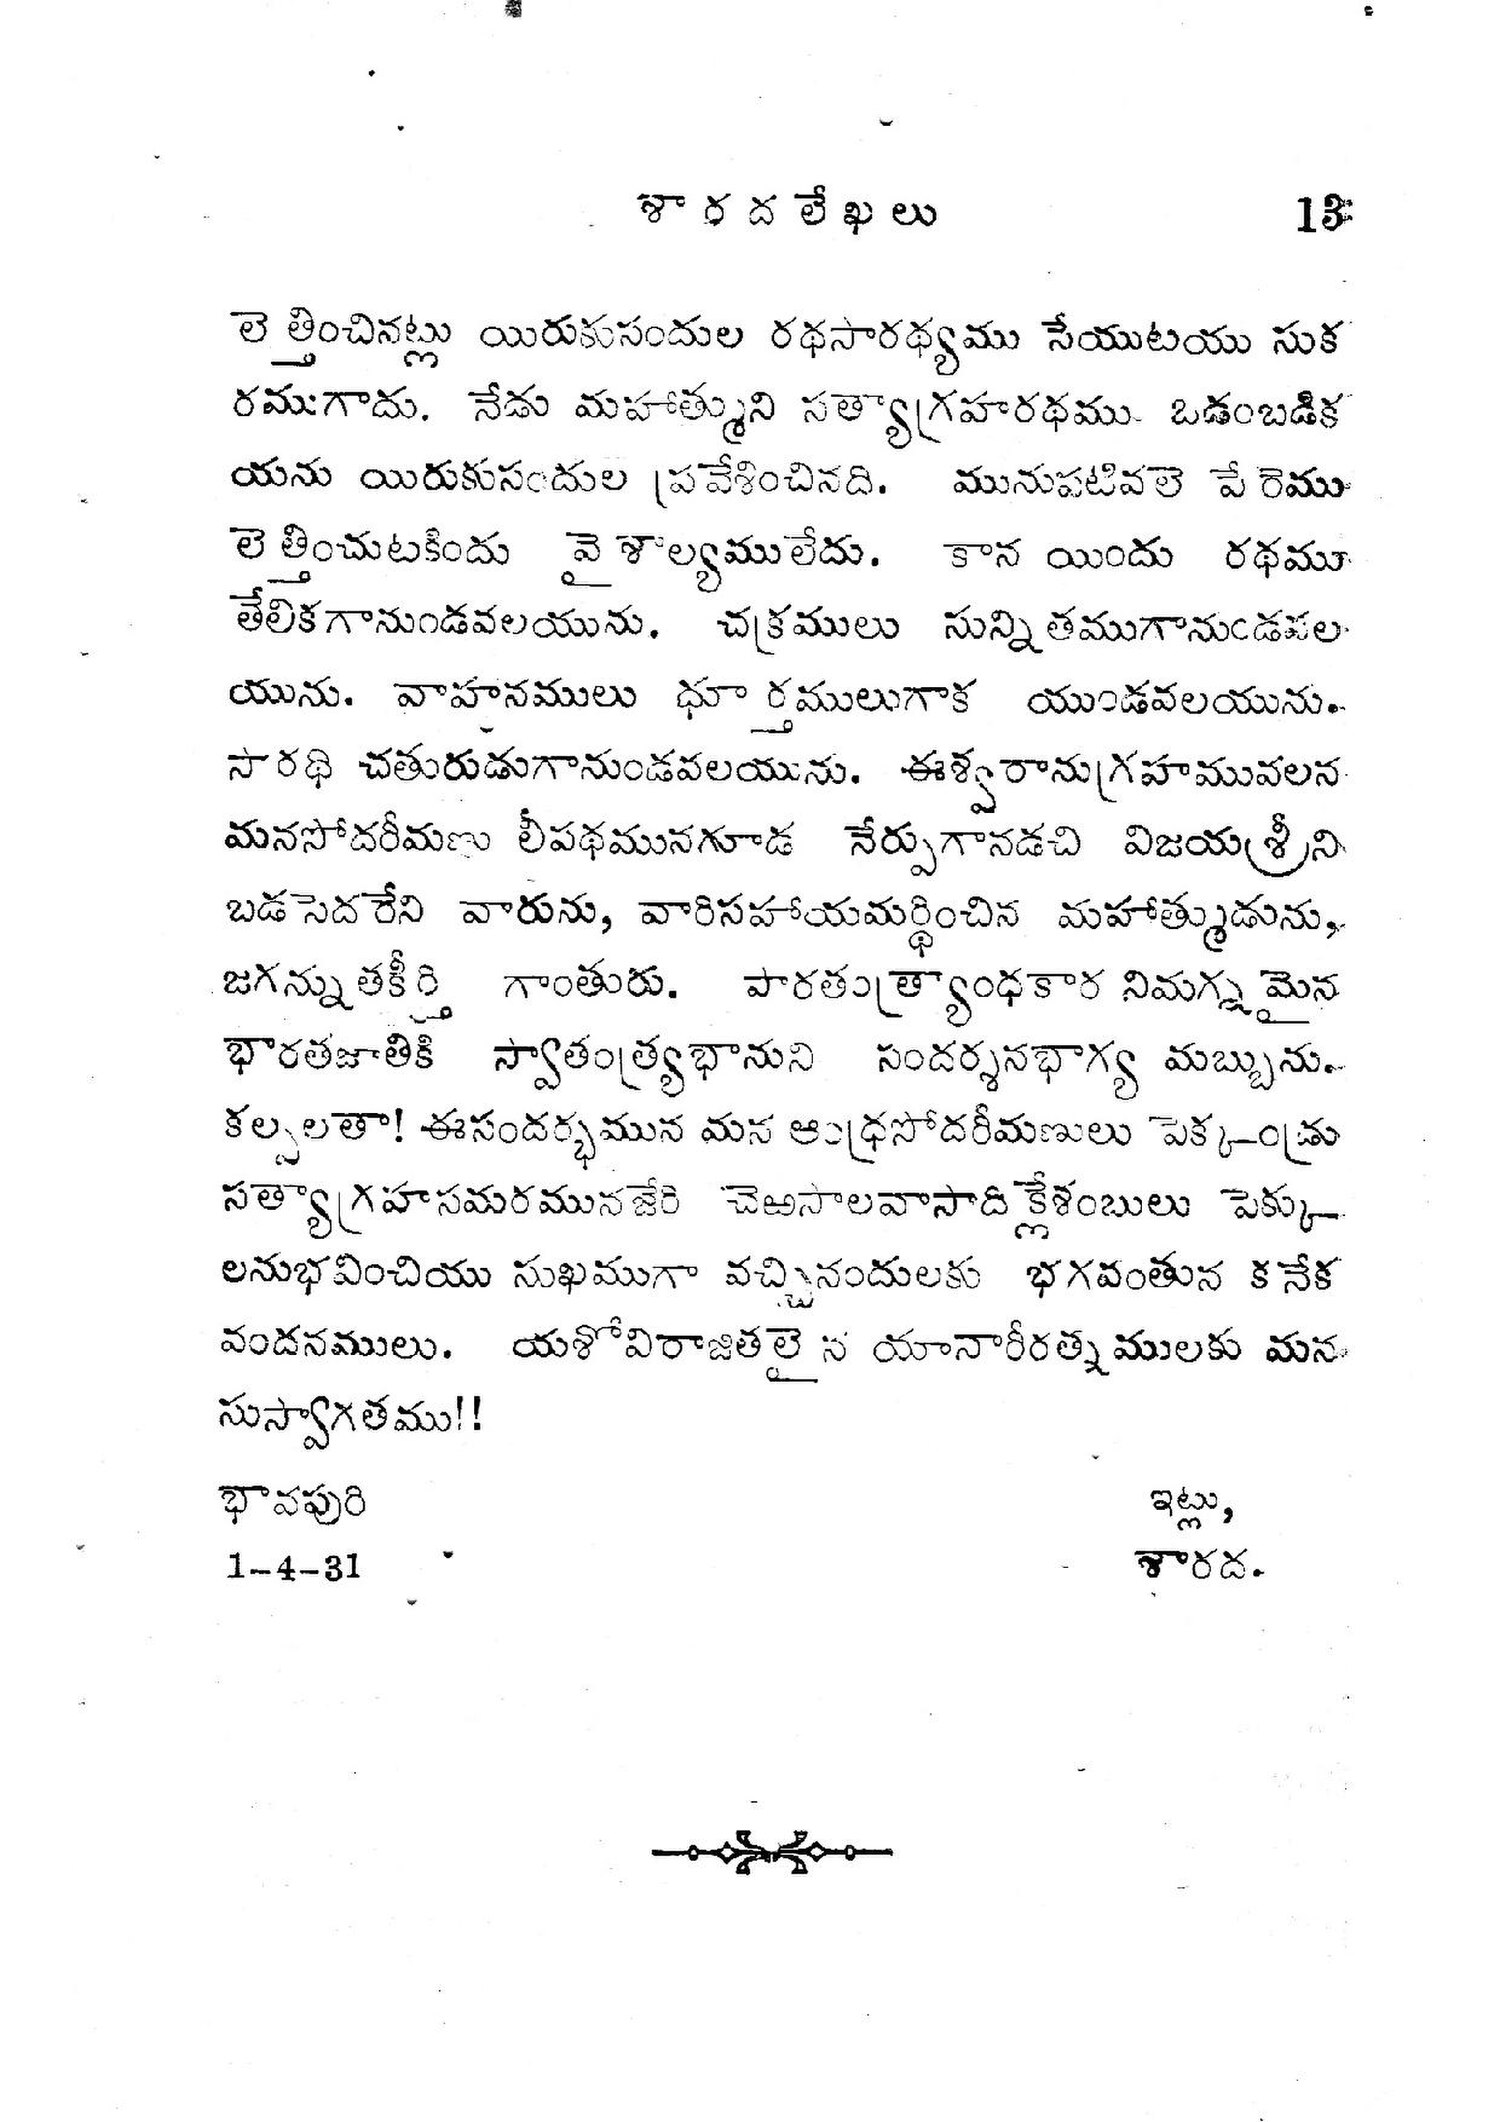లెత్తించినట్లు యిరుకు సందుల రథసారథ్యము సేయుటయు సుక
రముగాదు. నేడు మహాత్ముని సత్యాగ్రహరథము. ఒడంబడిక
యను యిరుకుస౦దుల ప్రవేశించినది. మునుపటివలె పేరెము
లెత్తించుటకిందు వైశాల్యము లేదు. కాన యిందు రథము
తేలిక గానుండవలయును. చక్రములు సున్నితముగానుఁడవల
యును. వాహనములు ధూర్తములుగాక యుండవలయును.
సారథి చతురుడుగానుండవలయును. ఈశ్వరానుగ్రహమువలన
మనసోదరీమణు లీపథమునగూడ నేర్పుగా నడచి విజయశ్రీని
బడ సెదరేని వారును, వారిసహాయమర్థించిన మహాత్ముడును,
జగన్ను తకీర్తి గాంతురు. పారతంత్ర్యాంధకార నిమగ్న మైన
భారతజాతికి స్వాతంత్ర్య భానుని సందర్శనభాగ్య మబ్బును.
కల్పలతా! ఈసందర్భమున మన ఆంధ్రసోదరీమణులు పెక్కండ్రు 
సత్యాగ్రహ సమరమున జేరి చెఱసాలవాసాది క్లేశంబులు పెక్కు
లనుభవించియు సుఖముగా వచ్చినందులకు భగవంతున కనేక
వందనములు.యశో విరాజితలైన యానారీరత్నములకు మన
సుస్వాగతము!!